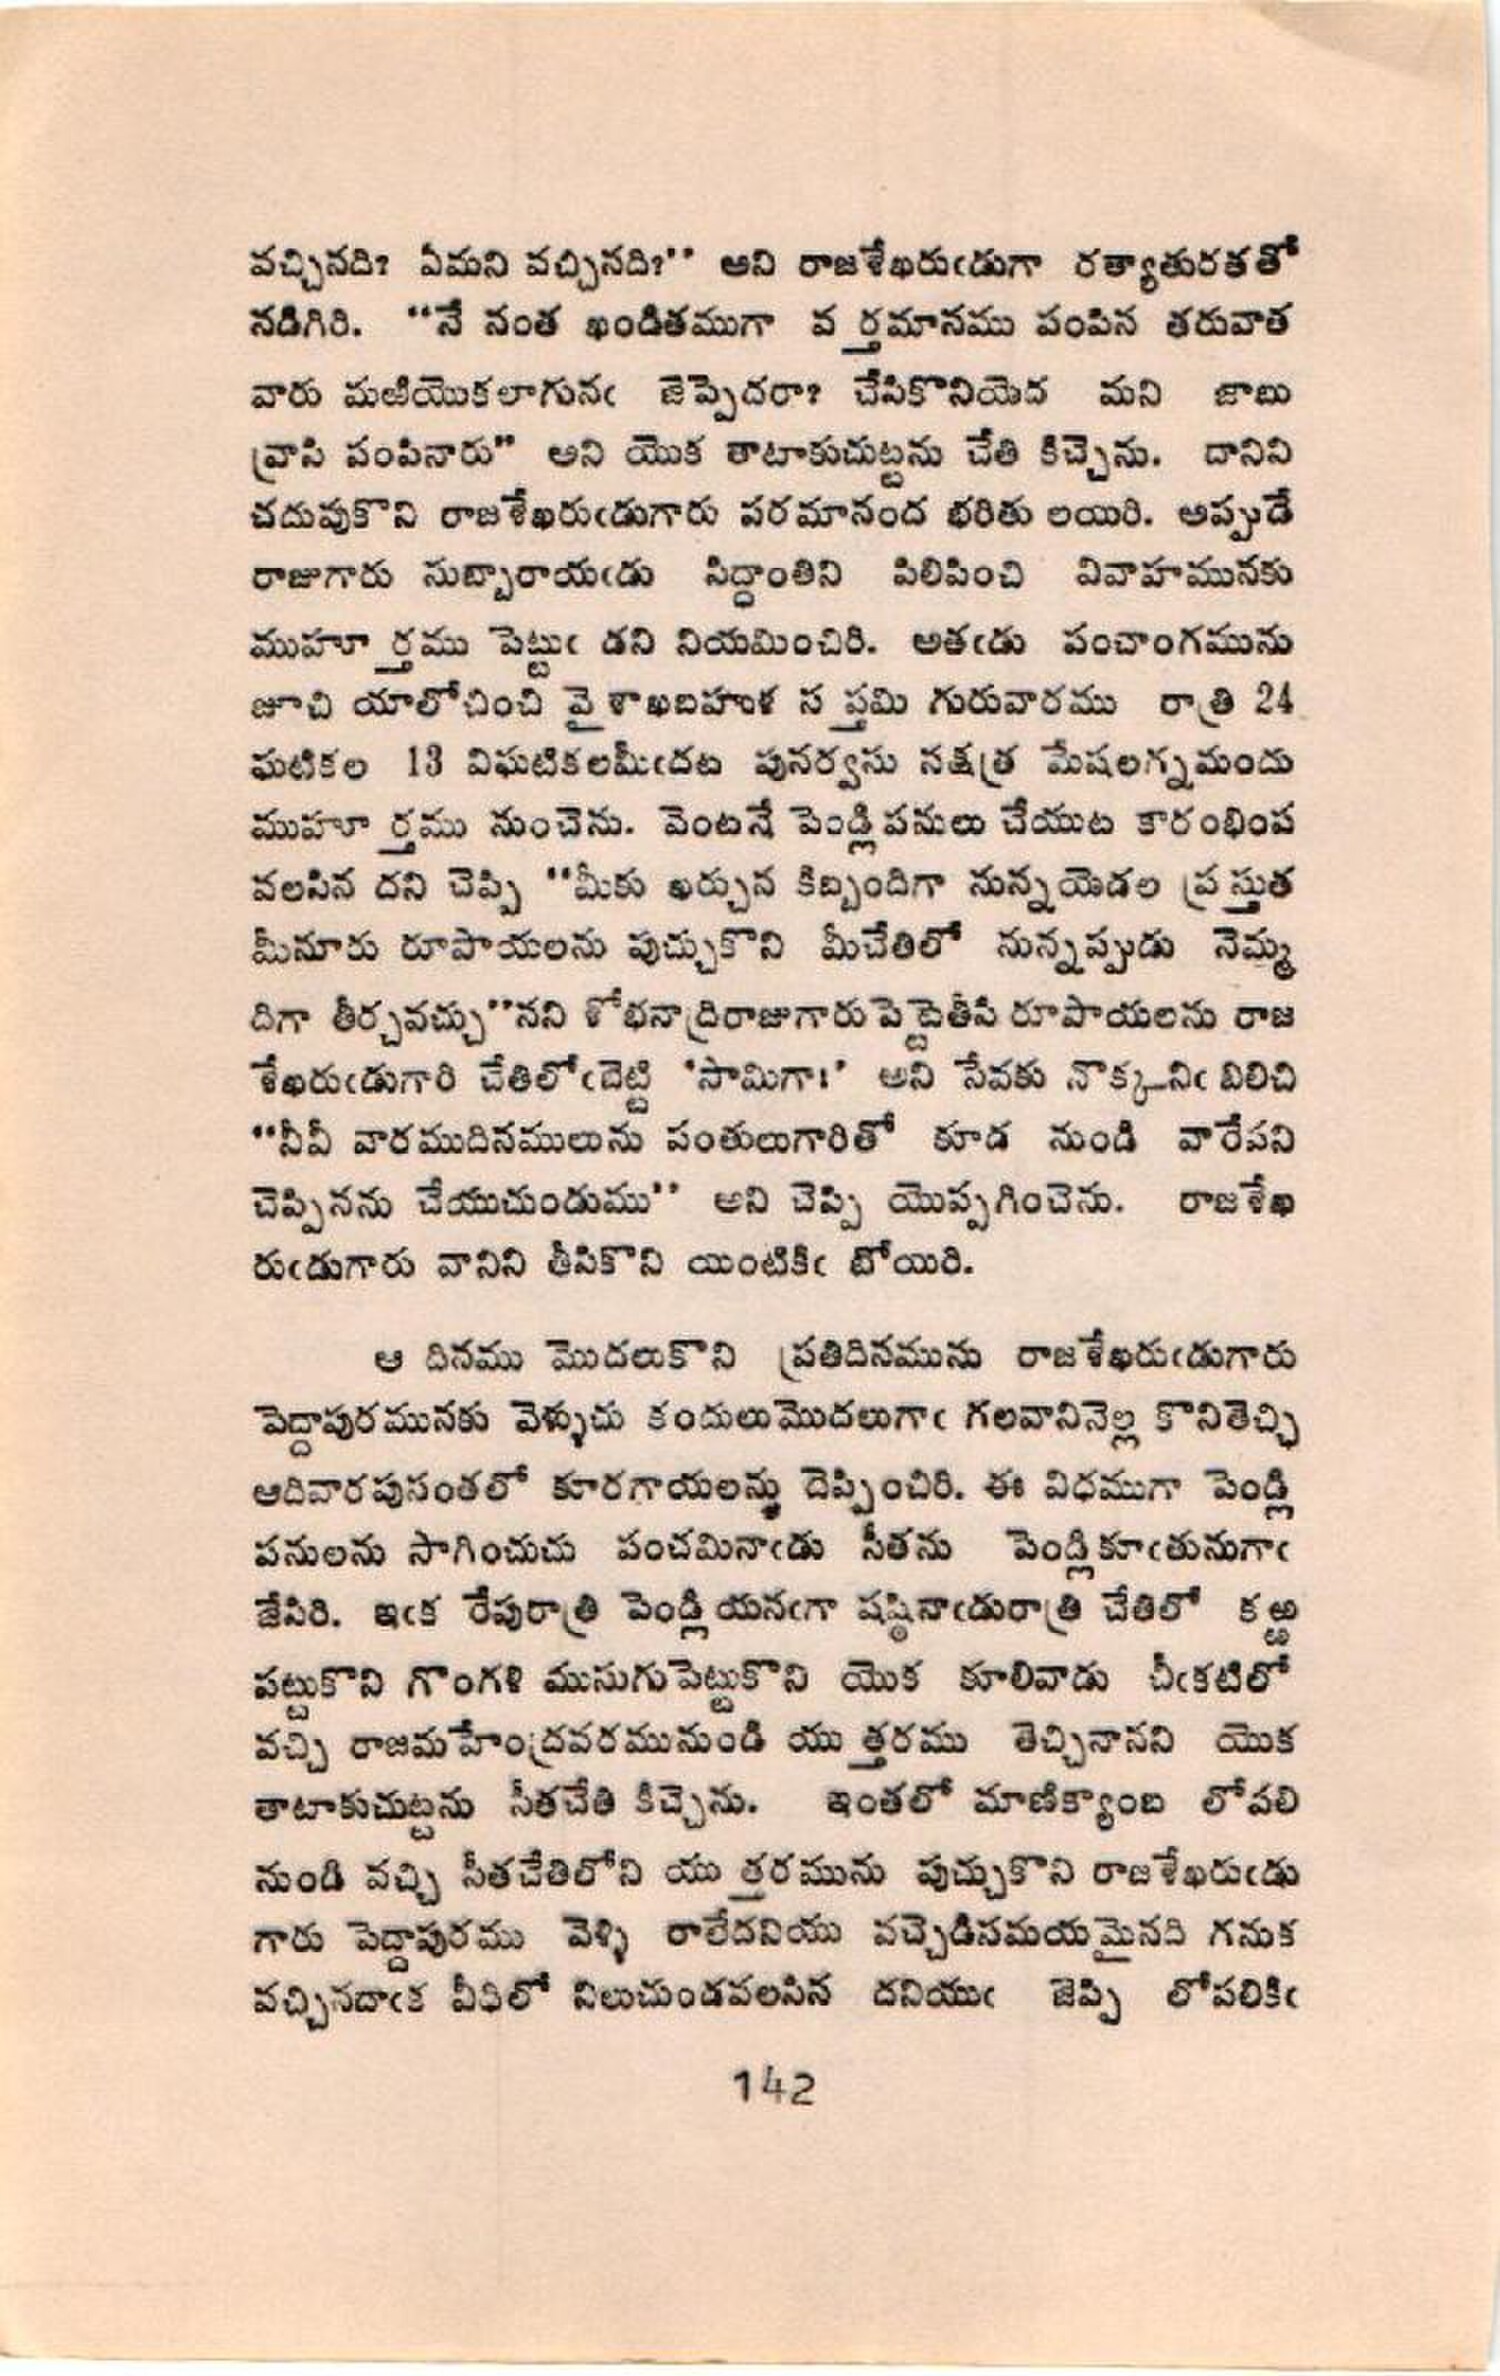వచ్చినది? ఏమని వచ్చినది?" అని రాజశేఖరుఁడుగా రత్యాతురతతో నడిగిరి. "నేనంత ఖండితముగా వర్తమానము పంపిన తరువాత వారు మఱియొకలాగునఁ జెప్పెదరా? చేసికొనియెద మని జాబు వ్రాసి పంపినారు" అని యొక తాటాకుచుట్టను చేతి కిచ్చెను. దానిని చదువుకొని రాజశేఖరుఁడుగారు పరమానంద భరితు లయిరి. అప్పడే రాజుగారు సుబ్బారాయఁడు సిద్ధాంతిని పిలిపించి వివాహమునకు ముహూ_ర్తము పెట్టుఁ డని నియమించిరి. అతఁడు పంచాంగమును జూచి యాలోచించి వైశాఖ బహుళ సప్తమి గురువారము రాత్రి 24 ఘటికల 18 విఘటికలమీఁదట పునర్వసు నక్షత్ర మేషలగ్నమందు ముహూర్తము నుంచెను. వెంటనే పెండ్లి పనులు చేయుట కారంభింప వలసిన దని చెప్పి "మీకు ఖర్చున కిబ్బందిగా నున్నయెడల ప్రస్తుత మీనూరు రూపాయలను పుచ్చుకొని మీచేతిలో నున్నప్పడు నెమ్మ దిగా తీర్చవచ్చు"నని శోభనాద్రిరాజుగారు పెట్టెతీసి రూపాయలను రాజ శేఖరుడుగారి చేతిలోఁబెట్టి "సామిగా" అని సేవకు నొక్కని బిలిచి "నీవీ వారముదినములను పంతులుగారితో కూడ నుండి వారేపని చెప్పినను చేయుచుండుము" అని చెప్పి యొప్పగించెను. రాజశేఖరుఁడు వానిని తీసికొని యింటికిఁ బోయిరి.

ఆ దినము మొదలుకొని ప్రతిదినమును రాజశేఖరుఁడుగారు పెద్దాపురమునకు వెళ్ళుచు కందులు మొదలుగాఁ గలవానినెల్ల కొనితెచ్చి ఆదివారపుసంతలో కూరగాయలను దెప్పించిరి. ఈ విధముగా పెండ్లి పనులను సాగించుచు పంచమినాఁడు సీతను పెండ్లికూఁతునుగా జేసిరి. ఇక రేపురాత్రి పెండ్లియనఁగా షష్టినాఁడురాత్రి చేతిలో కఱ్ఱ పట్టుకొని గొంగళి ముసుగుపెట్టుకొని యొక కూలివాడు చీకటిలో వచ్చి రాజమహేంద్రవరమునుండి యుత్తరము తెచ్చినానని యొక తాటాకుచుట్టను సీతచేతి కిచ్చెను. ఇంతలో మాణిక్యాంబ లోపలి నుండి వచ్చి సీత చేతిలోని యుత్తరమును పుచ్చుకొని రాజశేఖరుఁడు గారు పెద్దాపురము వెళ్ళి రాలేదనియు వచ్చెడిసమయమైనది గనుక వచ్చినదాఁక వీధిలో నిలుచుండవలసిన దనియుఁ జెప్పి లోపలికిఁ